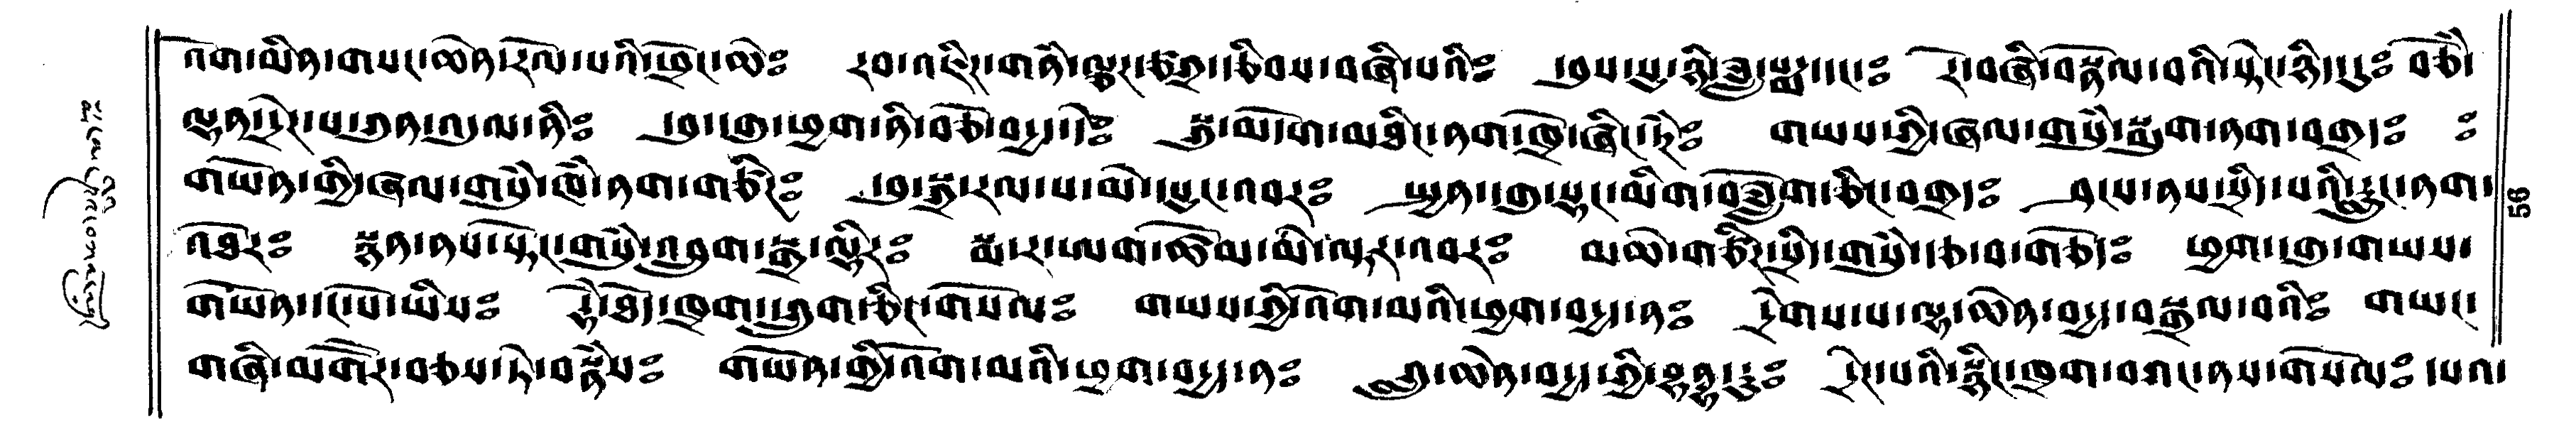འོག་མིན་གསང་ཆེན་རོལ་པའི་ཕོ་བྲང་ཆེཿ རབ་འཇིགས་གནམ་ལྕགས་ཙཀྲ་རྩིབས་བཞི་པའིཿ དབུས་སུ་ཉི་ཟླ་པདྨ་དང་ཿ རོ་བཞི་བསྣོལ་བའི་སྟེང་ཉིད་དུཿ བཅོམ་ལྡན་
དྲེགས་པ་ཀུན་འདུལ་ནིཿ དབུ་དགུ་ཕྱག་ནི་བཅོ་བརྒྱད་དེཿ སྐུ་མདོག་མཐིང་ནག་ཁྲོ་ཞིང་རྔམཿ གཡས་ཀྱི་ཞལ་གསུམ་སྨུག་ནག་བགྲདཿ 
གཡོན་གྱི་ཞལ་གསུམ་ཁམ་ནག་གཙིགསཿ དབུ་སྐྲ་རལ་པ་མེ་དཔུང་འབརཿ སྤྱན་དགུ་སྡང་མིག་བཟློག་ཅིང་བགྲདཿ ཤངས་ནས་སྲིད་པའི་རླུང་ནག་
འཐོརཿ སྙན་ནས་སྟོང་གསུམ་འབྲུག་སྒྲ་ལྡིརཿ སྨ་ར་ཨག་ཚོམ་མེ་ལྟར་འབརཿ མཆེ་གཙིགས་སྲིད་གསུམ་རྩ་བ་གཅོདཿ ཕྱག་དགུ་གཡས་
གཡོན་དང་པོ་ཡིསཿ རྡོ་རྗེ་ཐོད་ཁྲག་དཀྲུག་ཅིང་གསོལཿ གཡས་ཀྱི་འོག་མའི་ཕྱག་བརྒྱད་ནཿ དྲེགས་པ་ལྷ་ཆེན་བརྒྱད་བསྒྲལ་བའིཿ གཡང་
གཞི་མགོ་བོ་བཅས་ཏེ་བསྣམསཿགཡོན་གྱི་འོག་མའི་ཕྱག་བརྒྱད་ནཿ ཀླུ་ཆེན་བརྒྱད་ཀྱི་བྷནྡྷ་རུཿ དྲེགས་པའི་སྙིང་ཁྲག་བཀང་ནས་གསོལཿ དཔའ་